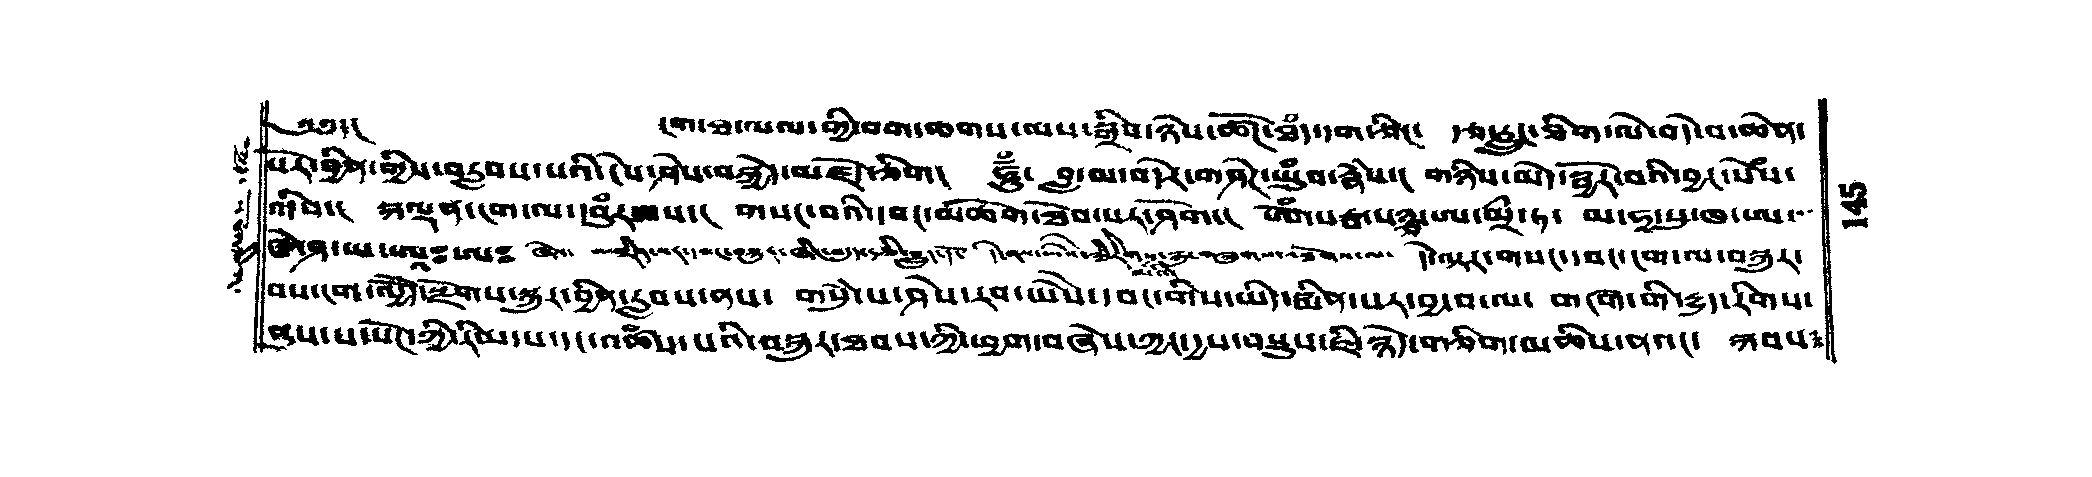ངག་ཟ་མལ་གྱི་བག་ཆགས་ལས་སྒྲིབ་ཉེས་ཚོགས་ཐམས་ཅད་དག་ཅིང་། རྩ་རླུང་ཐིག་ལེ་བདེ་བ་ཆེན་
པོར་བྱིན་གྱིས་བརླབས་པའི་ངེས་ཤེས་བསྐྱེད་མཛོད་ཅིག ཧཱུྃ། བླ་མ་བདེ་གཤེགས་ཡབ་ཡུམ་རྣམས། གཉིས་མེད་སྦྱོར་བའི་བྱང་སེམས་
འདིས། སྐལ་ལྡན་ངག་ལ་དབང་བསྐུར་བས། གསང་བའི་དབང་མཆོག་ཐོབ་པར་ཤོག ཨོཾ་སརྦ་པཉྩ་ཨ་མྲྀ་ཏ། མ་ཧཱ་སུཁ་ཨ་
ཝེ་ཤ་ཡ་ཨཿཨཿ ཞེས། མགྲིན་པར་དབང་བསྐུར་ཞིང་བདུད་རྩི་བླུད་དངོས། དེ་ནས་ཡེ་ཤེས་ཀྱི་རིགས་མའི་སྐུ་གཟུགས་འཐོགས་ལ། དེ་ལྟར་གསང་དབང་ངག་ལ་བསྐུར་
བས་ངག་ལོངས་སྤྱོད་རྫོགས་སྐུར་བྱིན་རླབས་ནས། གསུམ་པ་ཤེས་རབ་ཡེ་ཤེས་དབང་གིས་ཡིད་སྨིན་པར་བྱ་བ་ལ། གང་ཟག་གི་རྒྱུད་རིགས་
ནུས་པ་སོགས་ཀྱི་རིམ་པ་དང་འཚམས་པའི་བསྐུར་ཐབས་ཀྱི་ཕྱག་བཞེས་ཀྱང་རྒྱས་བསྡུས་ཇི་སྙེད་གཅིག་མཆིས་ནའང་། སྐབས་